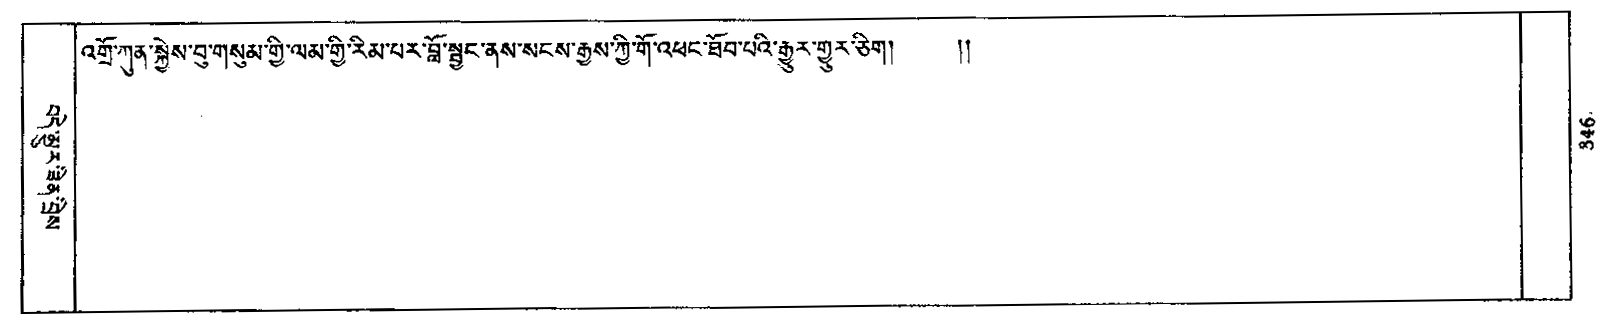འགྲོ་ཀུན་སྐྱེས་བུ་གསུམ་གྱི་ལམ་གྱི་རིམ་པར་བློ་སྦྱང་ནས་སངས་རྒྱས་ཀྱི་གོ་འཕང་ཐོབ་པའི་རྒྱུར་གྱུར་ཅིག། །།